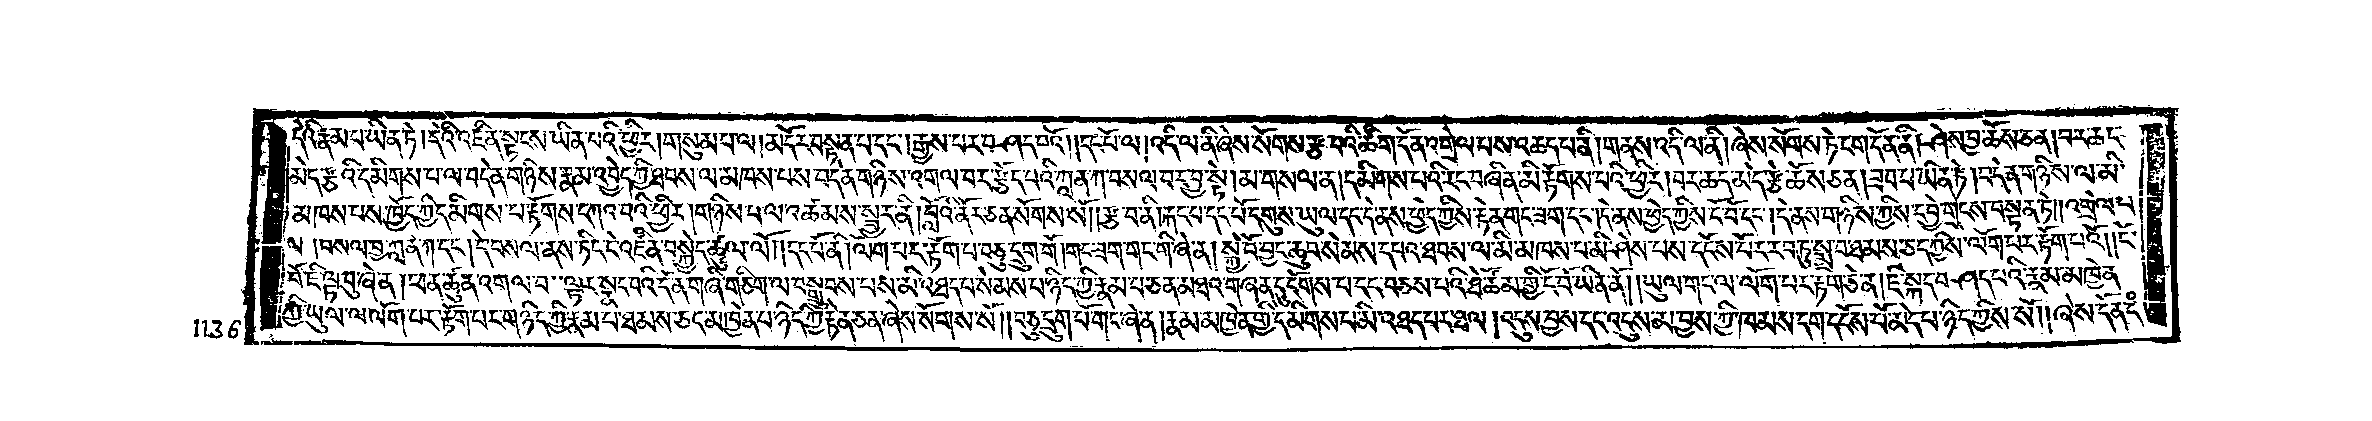དེའི་རྣམ་པ་ཡིན་ཏེ། དེའི་འཛིན་སྟངས་ཡིན་པའི་ཕྱིར། གསུམ་པ་ལ། མདོར་བསྟན་པ་དང་། རྒྱས་པར་བཤད་པའོ། །དང་པོ་ལ། འདི་ལ་ནི་ཞེས་སོགས་རྩ་བའི་ཚིག་དོན་འགྲེལ་བས་འཆད་པ་ནི། གནས་འདི་ལ་ནི། ཞེས་སོགས་ཏེ་ངག་དོན་ནི། ཤེས་བྱ་ཆོས་ཅན། བར་ཆད་
མེད་རྩའི་དམིགས་པ་ལ་བདེན་གཉིས་རྣམ་འབྱེད་ཀྱི་ཐབས་ལ་མཁས་པས་བདེན་གཉིས་འགལ་བར་རྩོད་པའི་ཀླན་ཀ་བསལ་བར་བྱ་སྟེ། མ་གསལ་ན། དམིགས་པའི་རང་བཞིན་མི་རྟོགས་པའི་ཕྱིར། བར་ཆད་མེད་རྩེ་ཆོས་ཅན། ཟབ་པ་ཡིན་ཏེ། བདེན་གཉིས་ལ་མི་
མཁས་པས་ཁྱོད་ཀྱི་དམིགས་པ་རྟོགས་དཀའ་བའི་ཕྱིར། གཉིས་པ་ལ་འཚམས་སྦྱར་ནི། བློའི་ནོར་ཅན་སོགས་སོ། །རྩ་བ་ནི། རྐང་པ་དང་པོ་དགུས་ཡུལ་དང་དེ་ནས་ཕྱེད་ཀྱིས་རྟེན་གང་ཟག་དང་། དེ་ནས་ཕྱེད་ཀྱིས་ངོ་བོ་དང་། དེ་ནས་གཉིས་ཀྱིས་དབྱེ་གྲངས་བསྟན་ཏེ། །འགྲེལ་པ་
ལ། བསལ་བྱ་ཀླན་ཀ་དང་། དེ་བསལ་ནས་ཏིང་ངེ་འཛིན་བསྐྱེད་ཚུལ་ལོ། །དང་པོ་ནི། ལོག་པར་རྟོག་པ་བཅུ་དྲུག་གོ། གང་ཟག་གང་གི་ཞེ་ན། སྐྱེ་བོ་བྱང་ཆུབ་སེམས་དཔའ་ཐབས་ལ་མི་མཁས་པ་མི་ཤེས་པས་དངོས་པོར་རབ་ཏུ་སྨྲ་བ་ཐམས་ཅད་ཀྱིས་ལོག་པར་རྟོག་པའོ། །ངོ་
བོ་ཇི་ལྟ་བུ་ཞེ་ན། ཕན་ཚུན་འགལ་བ་ལྟར་སྣང་བའི་དོན་གཞི་གཅིག་ལ་བསྒྲུབས་པས་མི་འཐད་པ་སེམས་པ་ཉིད་ཀྱི་རྣམ་པ་ཅན་མཐའ་གཞན་དུ་དགོས་པ་དང་བཅས་པའི་ཐེ་ཚོམ་གྱི་ངོ་བོ་ཡིན་ནོ། །ཡུལ་གང་ལ་ལོག་པར་རྟོག་ཅེ་ན། ཇི་སྐད་བཤད་པའི་རྣམ་མཁྱེན་
ཀྱི་ཡུལ་ལ་ལོག་པར་རྟོག་པར་གཉིད་ཀྱི་རྣམ་པ་ཐམས་ཅད་མཁྱེན་པ་ཉིད་ཀྱི་རྟེན་ཅན་ཞེས་སོགས་སོ། །བཅུ་དྲུག་པོ་གང་ཞེ་ན། རྣམ་མཁྱེན་གྱི་དམིགས་པ་མི་འཐད་པར་ཐལ། འདུས་བྱས་དང་འདུས་མ་བྱས་ཀྱི་ཁམས་དག་དངོས་པོ་མེད་པ་ཉིད་ཀྱིས་སོ། །ཞེས་དོན་དམ་